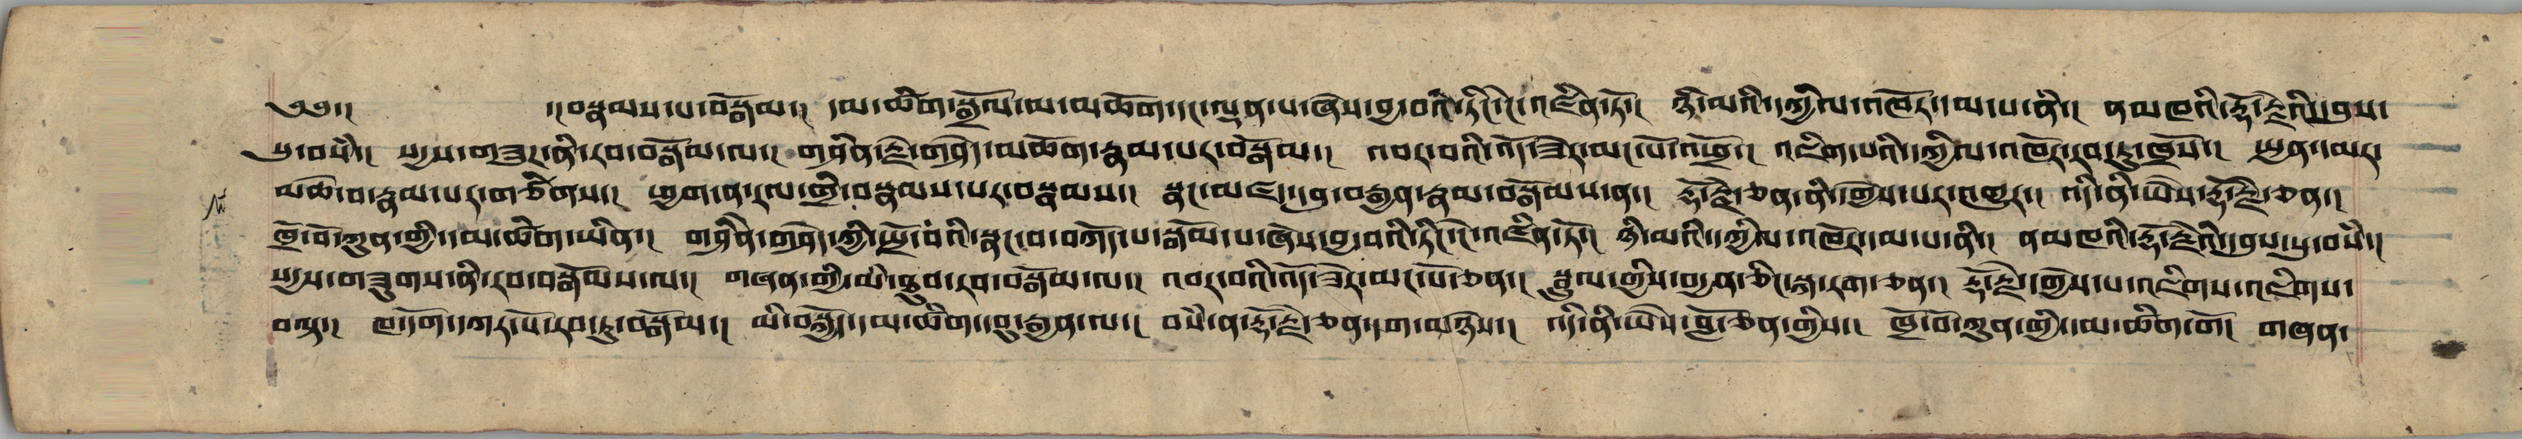༄༅་། ་།བསྣམས་པ་བསྒོམ་། དམ་ཚིག་སྒྲོལ་མ་མཆོག་དང་ལྡན་པ་ཞེས་བྱ་བའི་ཏིང་ངེ་འཛིན་ཏོ་། ཉི་མའི་དཀྱིལ་འཁོར་དམ་པ་ནི་། ནམཁའི་རྡོ་རྗེའི་དབུས་
སུ་བསཾ་། སདྱས་གཟུཌ་ནི་རབ་བསྒོམ་ལ་། གཤིན་རྗེ་གཤེད་མཆོག་རྣམ་པར་བསྒོམས་། འབར་བའི་འོད་ཟེར་མང་པོ་འཕྲོ་། འཛིན་པའི་དཀྱིལ་འཁོར་རབ་ཏུ་ཁྲོས་། སྤྱན་དམར་
མཆེ་བ་རྣམ་པར་གཙིགས་། ཕྱག་ན་རལ་གྲི་བསྣམས་པར་བསྣམས་། སྣང་མཛད་དབུ་བརྒྱན་རྣམ་བསྒོམས་ན་། རྡོ་རྗེ་ཅན་ནི་དགྱེས་པར་འགྱུར་། འདི་ནི་ཡཻས་རྡོ་རྗེ་ཅན་།
ཁྲོ་བོ་ཀུན་གྱི་དམ་ཚིག་ཡིན་། གཤིེན་གཤེད་ཀྱི་སྤྲོ་བའི་སྣང་བ་བཀོད་པ་སྒོམ་པ་ཞེས་བྱ་བའི་ཏིང་ངེ་འཛིན་ཏོ་། ཉི་མའི་དཀྱིལ་འཁོར་དམ་པ་ནི་། ནམཁའི་རྡོ་རྗེའི་དབུས་སུ་བསཾ་།
སདྱས་གཟུགས་ནི་རབ་བསྒོམས་ལ་། གཞན་གྱི་མི་ཐུབ་རབ་བསྒོམ་ལ་། འབར་བའི་འོད་ཟེར་མང་པོ་ཅན་། སྦྲུལ་གྱིས་བདྱན་ཅིང་སྐ་རག་ཅན་། རྡོ་རྗེ་དགྱེས་པ་འཇིགས་འཇིགས་
བལྟ་། ཁ་དོག་དཀར་པོ་རབ་ཏུ་བསྒོམ་། མི་བསྐྱོད་དམ་ཚིག་དབུ་རྒྱན་ལ་། བསཾ་ན་རྡོ་རྗེ་ཅན་དག་མཉེས་། འདི་ནི་ཡཻས་བློ་ཅན་གྱིས་། ཁྲོ་བོ་ཀུན་གྱི་དམ་ཚིག་གོ། གཞན་